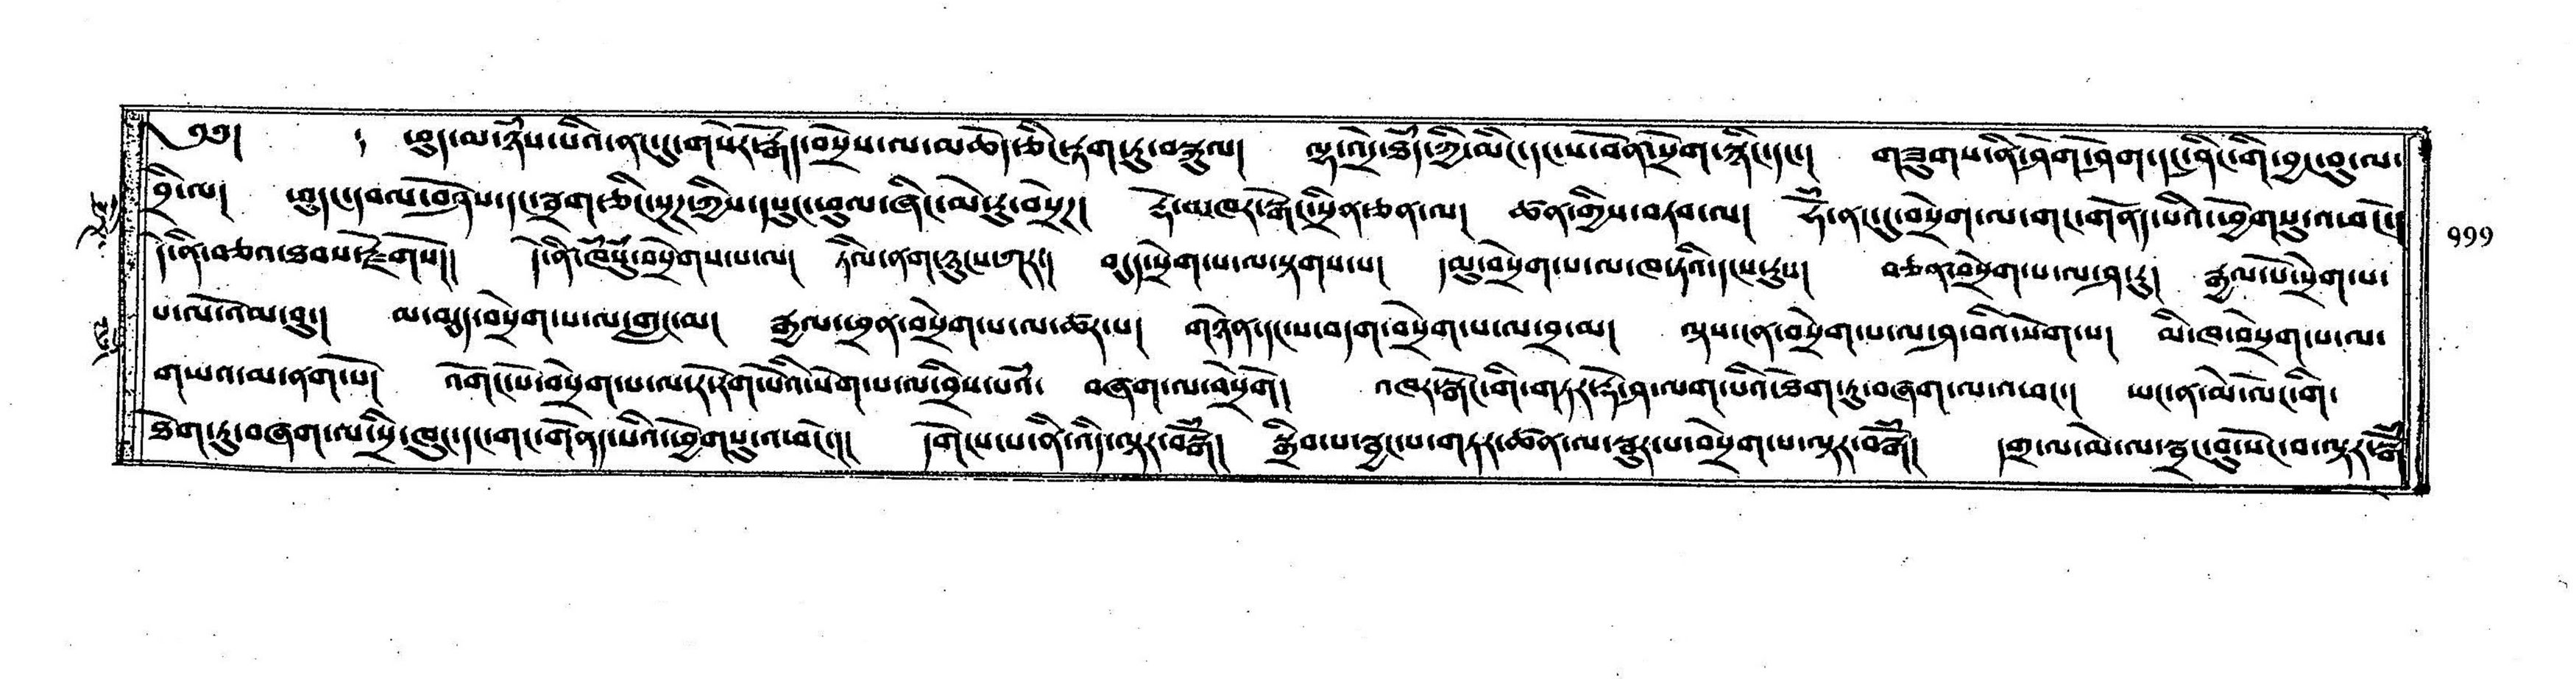ཕུད་མ་ཉམས་པའི་ནང་དུ་གསེར་རྒོད་བསྲེས་ལ་མཆོད་ཅིང་རྟག་ཏུ་བསྐུལ། ལྷ་འདྲེ་ཐམས་ཅད་ཀྱི་མིང་དང་ས་བོན་སྲོག་སྙིང་དང་། གཟུགས་ནི་ཤོག་ཤོག་དང་ཤིང་གི་བྱང་བུ་ལ་
བྲི་ལ། ཕུད་དང་དབལ་བཤོས་དང་སྦྲག་ཅིང་སྔགས་ཀྱིས་དཔུང་ཕུལ་ཞིང་མེ་རུ་བསྲེགས། རྡོ་མཁར་སྒོང་སྲིན་ཅན་ལ། ཚན་གྱིས་བཏབ་ལ། ཧོཾ་ནང་དུ་བསྲེག་ལ་གང་གནོད་པའི་ཕྱོགས་སུ་འཕང་ངོ་། 
དེ་ནི་བཅའ་ཐབས་རྫོགས་སོ།། དེ་ནི་ཁམས་གསུམ་བསྲེགས་པ་ལ། ཏིལ་ནག་ཉུངས་ཀར། བདུད་སྲེག་པ་ལ་སྟག་པ། དམུ་བསྲེག་པ་ལ་ཁ་ཏའི་དངས་རུས། བཙན་བསྲེག་པ་ལ་ཤ་རུ། རྒྱལ་པོ་སྲེག་
པ་ས་ལ་འོམ་བུ། མ་བདུད་བསྲེག་པ་ལ་གླང་མ། རྒྱལ་ཕྲན་བསྲེག་པ་ལ་ཚར་པ། གཉེན་དང་ས་བདག་བསྲེག་པ་ལ་བྲ་ལ། ལྟས་ངན་བསྲེག་པ་ལ་ཤ་བའི་སོག་པ། མི་ཁ་བསྲེག་པ་ལ་
གཡའ་མ་ནག་པོ། འགོང་པོ་བསྲེག་པ་ལ་ར་རོག་པོའི་སོག་པ་ལ་བྲིས་པའམ་བཞག་ལ་བསྲེག་གོ འཁར་སྒོང་གི་གཏར་རྡོ་ཤ་ལག་པའི་ཐོག་ཏུ་བཞག་ལ་འཕང་། ཡང་ན་མེ་ལོང་གི་
ཐོག་ཏུ་བཞག་ལ་སྲི་ཁུང་དང་གང་གནོད་པའི་ཕྱོགས་སུ་འཕང་ངོ་།། དགོངས་པ་ནི་འདི་ལྟར་བསྒོམ། སྒྲིབ་པ་སྦྱང་པ་གཏད་ཚན་ལ་སྦུར་པ་བསྲེག་པ་ལྟར་བསྒོམ། དགྲ་ལ་མེ་ལ་སྦྲང་བུ་སོང་བ་ལྟར་སྒོམ་